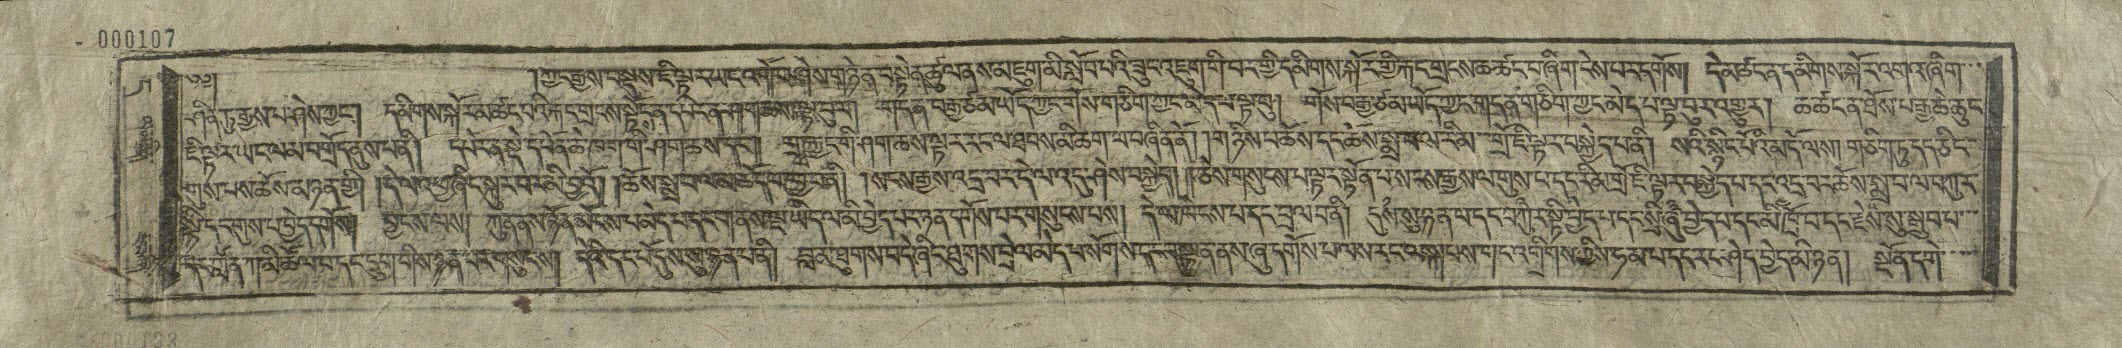༄༅། །ཀྱང་རྒྱས་བསྡུས་ཇི་ལྟར་ཡང་འགོ་བཤེས་གཉེན་བསྟེན་ཚུལ་ནས་མཇུག་མི་སློབ་པའི་ཟུང་འཇུག་གི་བར་གྱི་དམིགས་སྐོར་གྱི་རྐང་གྲངས་ཆ་ཚང་བ་ཞིག་ངེས་པར་དགོས། དེ་མ་ཚང་ན་དམིགས་སྐོར་འགའ་ཞིག་
ཤིན་ཏུ་རྒྱས་པ་ཤེས་ཀྱང་། དམིགས་སྐོར་མ་ཚང་བའི་རྐང་གྲངས་སྟོངས་ན་དཔེར་ན་ཤག་ཆས་ལྟ་བུར། གདན་བརྒྱ་ཙམ་ཡོད་ཀྱང་གོས་གཅིག་ཀྱང་མེད་པ་ལྟ་བུ། གོས་བརྒྱ་ཙམ་ཡོད་ཀྱང་གདན་གཅིག་ཀྱང་མེད་པ་ལྟ་བུར་འགྱུར། ཆ་ཚང་ན་ཐོས་པ་རྒྱ་ཆེ་ཆུང་
ཇི་ལྟར་ཡང་ལམ་བགྲོད་ནུས་པ་ནི། དཔེར་ན་སྡེ་དཔོན་ཆེ་ཁག་གི་ཤག་ཆས་དང་། གྲྭ་རྐྱང་གི་ཤག་ཆས་ལྟར་རང་ལ་ཐབས་མི་ཆག་པ་བཞིན་ནོ། །གཉིས་པ་ཆོས་དང་ཆོས་སྨྲ་བ་ལ་རིམ་གྲོ་ཇི་ལྟར་བསྐྱེད་པ་ནི། སའི་སྙིང་པོའི་མདོ་ལས། གཅིག་ཏུ་དད་ཅིང་
གུས་པས་ཆོས་མཉན་གྱི། །དེ་ལ་འཕྱ་ཞིང་སྐུར་བར་མི་བྱའོ། །ཆོས་སྨྲ་བ་ལ་མཆོད་པ་བྱ་བ་ནི། །སངས་རྒྱས་འདྲ་བར་དེ་ལ་འདུ་ཤེས་བསྐྱེད། །ཅེས་གསུངས་པ་ལྟར་སྟོན་པ་སངས་རྒྱས་ལ་གུས་པ་དང་རིམ་གྲོ་ཇི་ལྟར་བསྐྱེད་པ་དང་འདྲ་བར་ཆོས་སྨྲ་བ་ལ་བཀུར་
སྟི་དང་གུས་པ་བྱེད་དགོས། བྱང་ས་ལས། ཀུན་ནས་ཉོན་མོངས་པ་མེད་པ་དང་གནས་ལྔ་ཡིད་ལ་མི་བྱེད་པར་ཉན་དགོས་པར་གསུངས་པས། དེ་ལ་ཁེངས་པ་དང་བྲལ་བ་ནི། དུས་སུ་ཉན་པ་དང་བཀུར་སྟི་བྱེད་པ་དང་སྲི་ཞུ་བྱེད་པ་དང་མི་ཁྲོ་བ་དང་རྗེས་སུ་སྒྲུབ་པ་
དང་ཀླན་?་ཀ་མི་ཚོལ་བ་དང་དྲུག་གིས་ཉན་པར་གསུངས། དེའི་དང་པོ་དུས་སུ་ཉན་པ་ནི། བླ་མ་ཐུགས་བདེ་ཞིང་ཐུགས་བྲེལ་མེད་པ་སོགས་དང་བསྟུན་ནས་ཞུ་དགོས་པ་ལས་རང་ལ་སྐབས་གང་འགྲིགས་ཀྱིས་ཧམ་པ་དང་རང་ཤེད་བྱེད་མི་ཉན། སྔོན་དགེ་